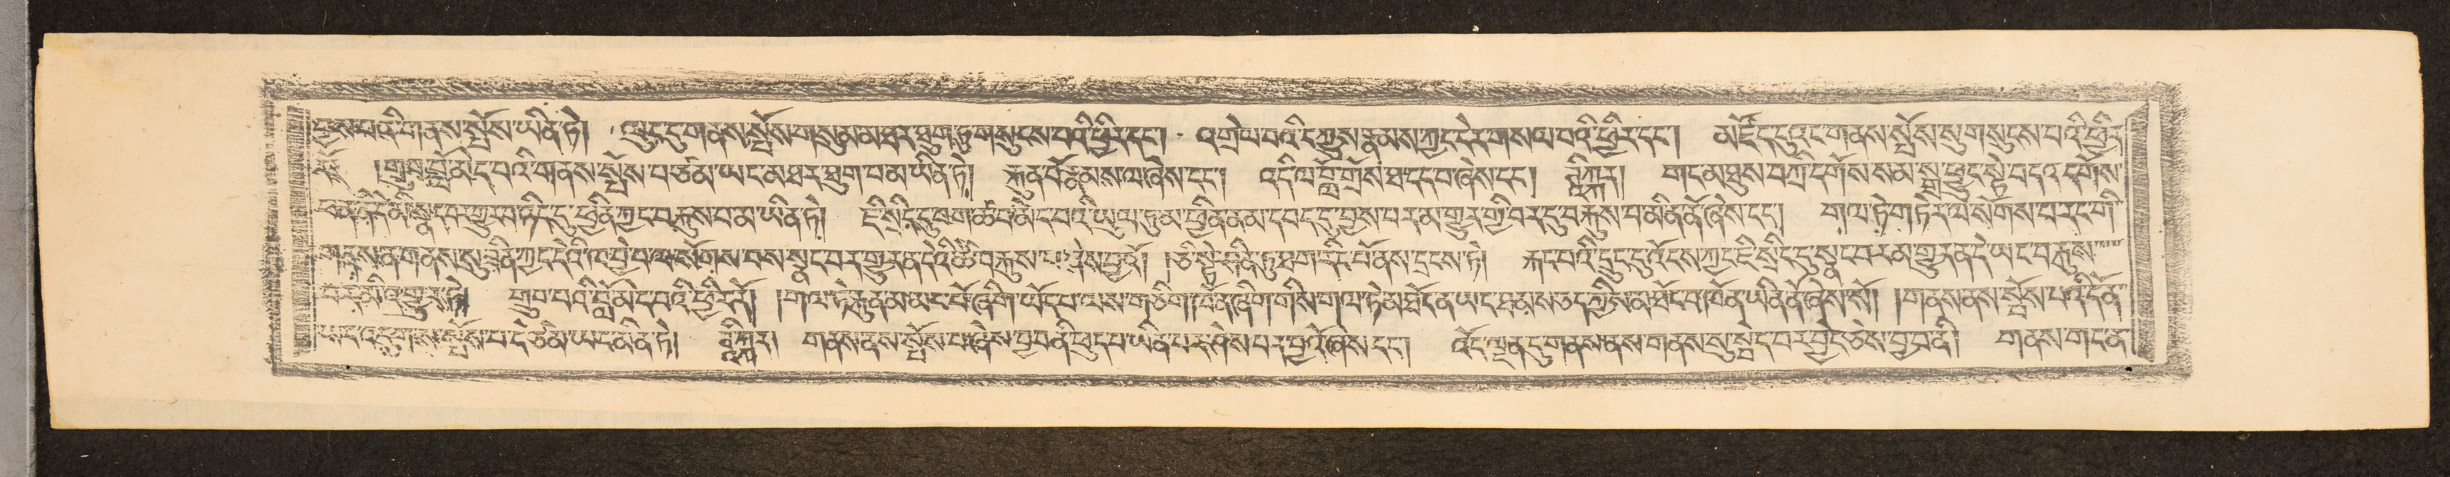བྱས་པའི་གནས་སྤོས་ཡིན་ཏེ། ལུང་དུ་གནས་སྤོས་གསུམ་མཐར་ཐུག་ཏུ་གསུངས་པའི་ཕྱིར་དང་། འགྲེལ་བའི་དཀྱུས་རྣམས་ཀྱང་དེར་གསལ་བའི་ཕྱིར་དང་། མཛོད་དུའང་གནས་སྤོས་སུ་གསུངས་པའི་ཕྱིར་
རོ། །གྲུབ་བློ་མེད་པའི་གནས་སྤོས་པ་ཙམ་ཡང་མཐར་ཐུག་པ་མ་ཡིན་ཏེ། རྐུན་པོ་རྣམས་ལ་ཞེས་དང་། འདི་ལ་བློ་གྲོས་ཐ་དད་པ་ཞེས་དང་། ཊཱིཀྐར། གང་མཐུས་བཀྲི་དགོས་སམ་སྒྲ་ཕྱུང་སྟེ་བདའ་དགོས་
པ་ན་ནི་དེ་མི་སྣང་བར་གྱུར་བ་ཉིད་དུ་ཕྱིན་ཀྱང་བརྐུས་པ་མ་ཡིན་ཏེ། ཇི་སྲིད་དུ་བག་ཚབ་མེད་པའི་ཡུལ་ཏུམ་ཕྱིན་ནམ་དབང་དུ་བྱས་པར་མ་གྱུར་གྱི་བར་དུ་བརྐུས་པ་མིན་ནོ་ཞེས་དང་། གལ་ཏེ་གཏེར་ལ་སོགས་པ་རང་གི་
གནས་ན་གནས་སུ་ཟིན་ཀྱང་དེའི་ཁ་བྱེ་བ་ལ་སོགས་པས་སྣང་བར་གྱུར་ན་དེའི་ཚེ་བརྐུས་པ་ཞེས་བྱའོ། །ཅི་སྟེ་ཤིན་ཏུ་ཐག་རིང་པོ་ནས་དྲངས་ཏེ། རྐང་པའི་དྲུང་དུ་འོངས་ཀྱང་ཇི་སྲིད་དུ་སྣང་བར་མ་གྱུར་ན་དེ་ཡང་བརྐུས་
པར་མི་འགྱུར་ཏེ། གྲུབ་པའི་བློ་མེད་པའི་ཕྱིར་རོ། །གལ་ཏེ་རྐུན་མ་མང་པོ་ཞིག་ཡོད་པ་ལས་གཅིག་ཁོ་ན་ཞིག་གིས་གལ་ཏེ་མཐོང་ན་ཡང་ཐམས་ཅད་ཀྱིས་མཐོང་བ་ཁོན་ཡིན་ནོ་ཞེས་སོ། །གནས་ནས་སྤོས་པའི་དོན་
ཡང་འདུགས་སྤོས་པ་དེ་ཙམ་ཡང་མིན་ཏེ། ཊཱིཀྐར། གནས་ནས་སྤོས་པ་ཞེས་བྱ་བ་ནི་ཕུང་པ་ཡིན་པར་ཤེས་པར་བྱའོ་ཞེས་དང་། འོད་ལྡན་དུ་གནས་ནས་གནས་སུ་སྦེད་པར་བྱེད་ཅེས་བྱ་བ་ནི། གནས་གང་ན་